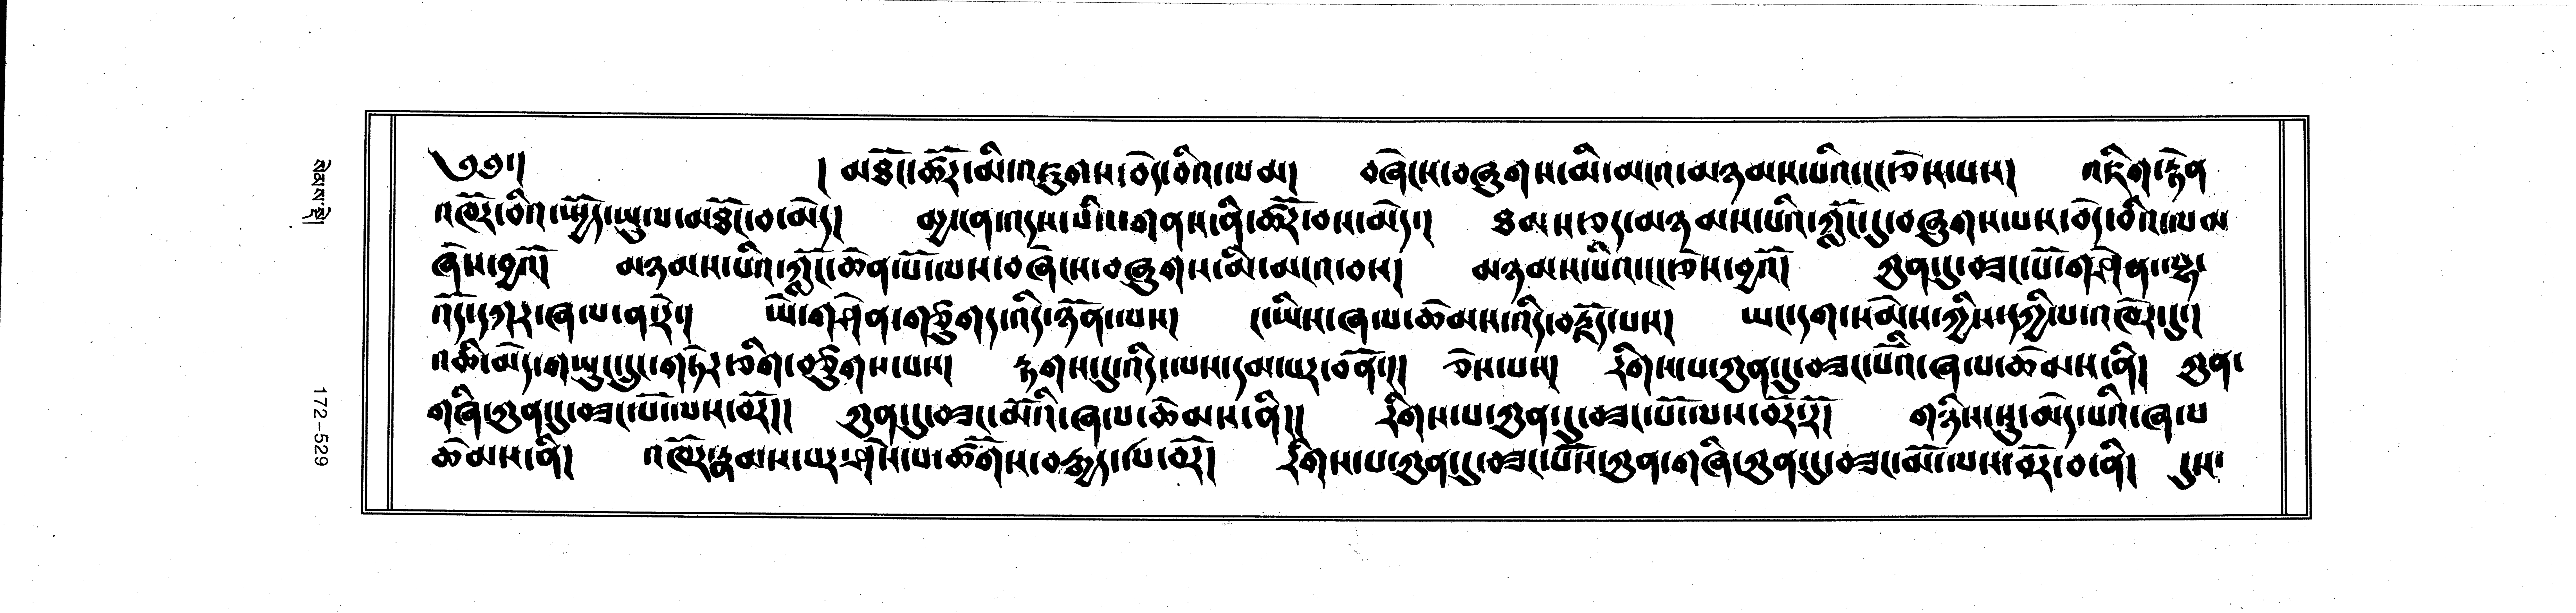མཐོང་ཚོར་མི་འཇུགས་བདེ་བའི་ལམ། བཞེངས་བཞུགས་མི་མངའ་མཉམ་པའི་ངང་ཅེས་པས། འཇིག་རྟེན་
འཁོར་བའི་སྤྱོད་ཡུལ་མཐོང་བ་མེད། མྱ་ངན་འདས་པའི་གནས་ནི་ཚོར་བས་མེད། ཐམས་ཅད་མཉམ་པའི་ཀློང་དུ་བཞུགས་པས་བདེ་བའི་ལམ་
ཞེས་བྱའོ། མཉམ་པའི་ཀློང་ཆེན་པོ་ལས་བཞེངས་བཞུགས་མི་མངའ་བས། མཉམ་པའི་ངང་ཅེས་བྱའོ། ཀུན་ཏུ་བཟང་པོ་གཤེན་ལྷ་
འོད་དཀར་ཞལ་ན་རེ། ཡེ་གཤེན་གཙུག་ཕུད་འདི་ཉོན་ལས། ང་ཡིས་ཞལ་ཆེམས་འདི་བརྗོད་པས། ཡང་དག་སེམས་ཀྱིས་དཀྱིལ་འཁོར་དུ། 
འཆི་མེད་གཡུང་དྲུང་གཏེར་ཅིག་གཙུགས་པས། རྟགས་དུ་འདི་ལས་དམ་པར་བོན། ཅེས་པས། རིག་པ་ཀུན་ཏུ་བཟང་པོའི་ཞལ་ཆེམས་ནི། ཀུན་
གཞི་ཀུན་ཏུ་བཟང་པོ་ལས་བོར། ཀུན་ཏུ་བཟང་མོའི་ཞལ་ཆེམས་ནི། རིག་པ་ཀུན་ཏུ་བཟང་པོ་ལས་བོར་རོ། གཉིས་སུ་མེད་པའི་ཞལ་
ཆེམས་ནི། འཁོར་རྣམ་པར་ཤེས་པ་ཚོགས་བརྒྱད་ལ་བོར། རིག་པ་ཀུན་ཏུ་བཟང་པོས་ཀུན་གཞི་ཀུན་ཏུ་བཟང་མོ་ལས་བོར་བ་ནི། དུས་